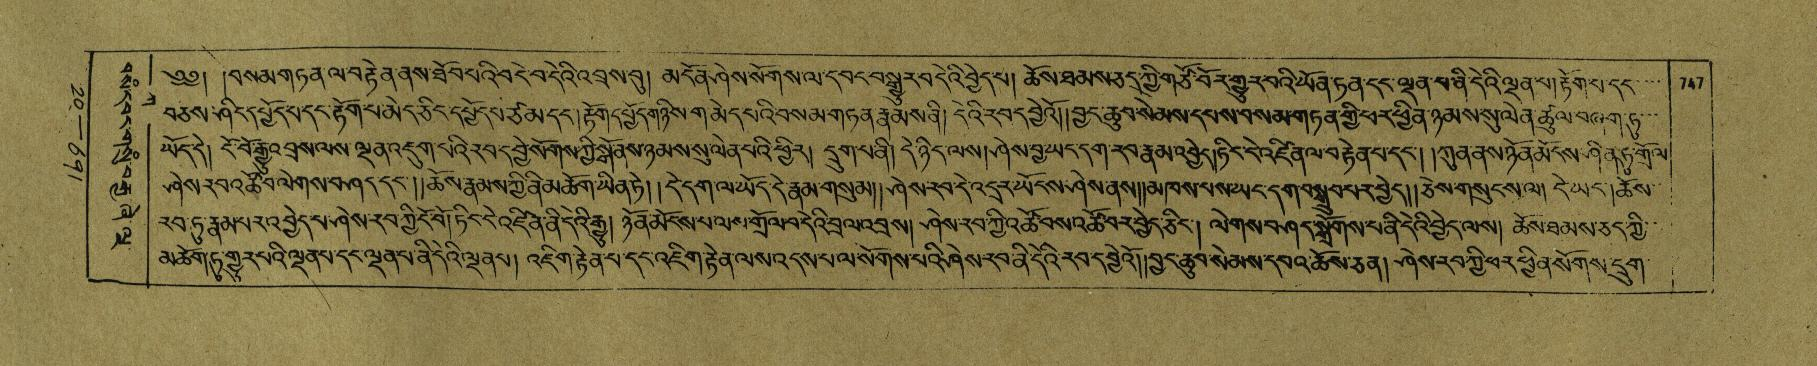༄༅། །བསམ་གཏན་ལ་བརྟེན་ནས་ཐོབ་པའི་བདེ་བ་དེའི་འབྲས་བུ། མངོན་ཤེས་སོགས་ལ་དབང་བསྒྱུར་བ་དེའི་བྱེད་པ། ཆོས་ཐམས་ཅད་ཀྱི་གཙོ་བོར་གྱུར་བའི་ཡོན་ཏན་དང་ལྡན་པ་ནི་དེའི་ལྡན་པ། རྟོག་པ་དང་
བཅས་ཤིང་དཔྱོད་པ་དང་རྟོག་པ་མེད་ཅིང་དཔྱོད་པ་ཙམ་དང་། རྟོག་དཔྱོད་གཉིས་ག་མེད་པའི་བསམ་གཏན་རྣམས་ནི། དེའི་རབ་དབྱེའོ། །བྱང་ཆུབ་སེམས་དཔས་བསམ་གཏན་གྱི་ཕར་ཕྱིན་ཉམས་སུ་ལེན་ཚུལ་བཞག་ཏུ་
ཡོད་དེ། ངོ་བོ་རྒྱུ་འབྲས་ལས་ལྡན་འཇུག་པའི་རབ་དབྱེ་སོགས་ཀྱི་སྒོ་ནས་ཉམས་སུ་ལེན་པའི་ཕྱིར། དྲུག་པ་ནི། དེ་ཉིད་ལས། ཤེས་བྱ་ཡང་དག་རབ་རྣམ་འབྱེད། ཏིང་ངེ་འཛིན་ལ་བརྟེན་པ་དང་། །ཀུན་ནས་ཉོན་མོངས་ཤིན་ཏུ་གྲོལ་
ཤེས་རབ་འཚོ་བ་ལེགས་བཤད་དང་། །ཆོས་རྣམས་ཀྱི་ནི་མཆོག་ཡིན་ཏེ། །དེ་དག་ལ་ཡོད་དེ་རྣམ་གསུམ། །ཤེས་རབ་དེ་འདྲར་ཡོངས་ཤེས་ནས། །མཁས་པས་ཡང་དག་བསྒྲུབ་པར་བྱེད། །ཅེས་གསུངས་ལ། དེ་ཡང་། ཆོས་
རབ་ཏུ་རྣམ་པར་འབྱེད་པ་ཤེས་རབ་ཀྱི་ངོ་བོ། ཏིང་ངེ་འཛིན་ནི་དེའི་རྒྱུ། ཉོན་མོངས་པ་ལས་གྲོལ་བ་དེའི་བྲལ་འབྲས། ཤེས་རབ་ཀྱི་འཚོ་བས་འཚོ་བར་བྱེད་ཅིང་། ལེགས་བཤད་སྒྲོགས་པ་ནི་དེའི་བྱེད་ལས། ཆོས་ཐམས་ཅད་ཀྱི་
མཆོག་ཏུ་གྱུར་པའི་ལྡན་པ་དང་ལྡན་པ་ནི་དེའི་ལྡན་པ། འཇིག་རྟེན་པ་དང་འཇིག་རྟེན་ལས་འདས་པ་ལ་སོགས་པའི་ཤེས་རབ་ནི་དེའི་རབ་དབྱེའོ། །བྱང་ཆུབ་སེམས་དཔའ་ཆོས་ཅན། ཤེས་རབ་ཀྱི་ཕར་ཕྱིན་སོགས་དྲུག་